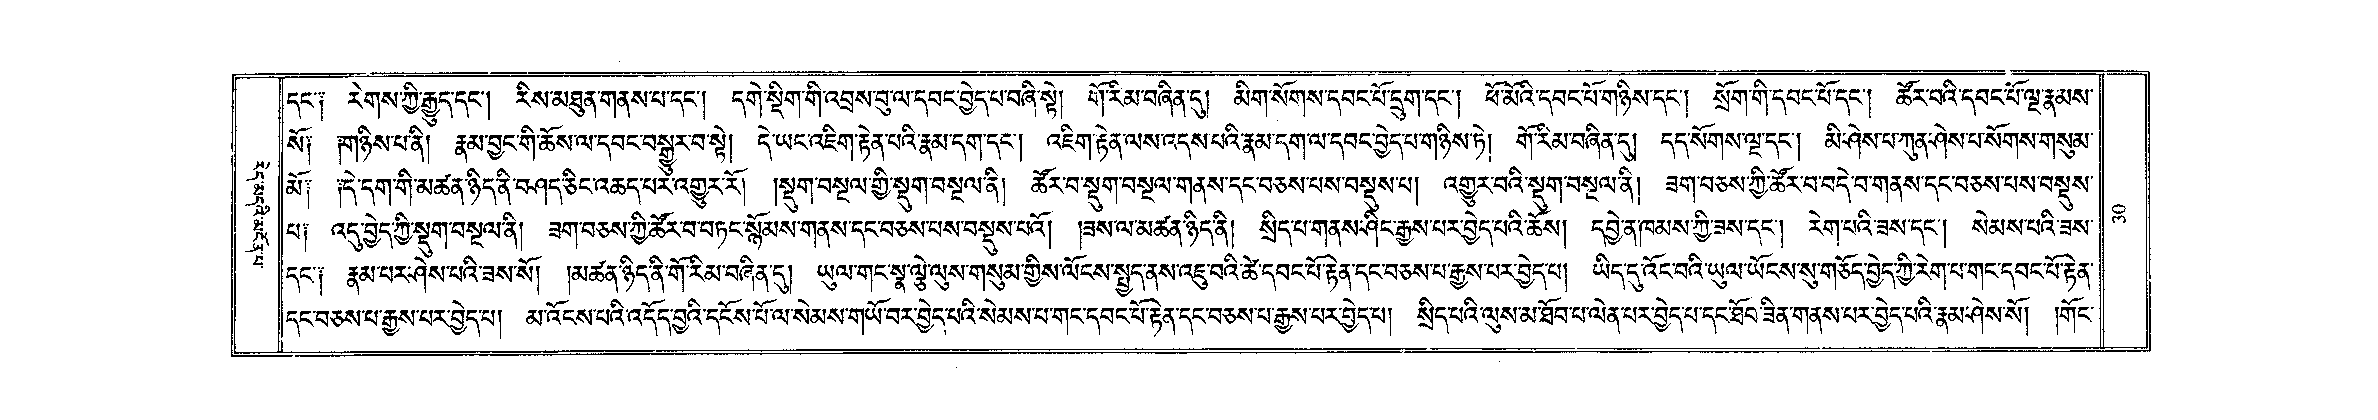དང༑ རེགས་ཀྱི་རྒྱུད་དང་། རིས་མཐུན་གནས་པ་དང་། དགེ་སྡིག་གི་འབྲས་བུ་ལ་དབང་བྱེད་པ་བཞི་སྟེ། གོ་རིམ་བཞིན་དུ། མིག་སོགས་དབང་པོ་དྲུག་དང་། ཕོ་མོའི་དབང་པོ་གཉིས་དང་། སྲོག་གི་དབང་པོ་དང་། ཚོར་བའི་དབང་པོ་ལྔ་རྣམས་
སོ༑ ༑གཉིས་པ་ནི། རྣམ་བྱང་གི་ཆོས་ལ་དབང་བསྒྱུར་བ་སྟེ། དེ་ཡང་འཇིག་རྟེན་པའི་རྣམ་དག་དང་། འཇིག་རྟེན་ལས་འདས་པའི་རྣམ་དག་ལ་དབང་བྱེད་པ་གཉིས་ཏེ། གོ་རིམ་བཞིན་དུ། དད་སོགས་ལྔ་དང་། མི་ཤེས་པ་ཀུན་ཤེས་པ་སོགས་གསུམ་
མོ༑ ༑དེ་དག་གི་མཚན་ཉིད་ནི་བཤད་ཅིང་འཆད་པར་འགྱུར་རོ། །སྡུག་བསྔལ་གྱི་སྡུག་བསྔལ་ནི། ཚོར་བ་སྡུག་བསྔལ་གནས་དང་བཅས་པས་བསྡུས་པ། འགྱུར་བའི་སྡུག་བསྔལ་ནི། ཟག་བཅས་ཀྱི་ཚོར་བ་བདེ་བ་གནས་དང་བཅས་པས་བསྡུས་
པ༑ འདུ་བྱེད་ཀྱི་སྡུག་བསྔལ་ནི། ཟག་བཅས་ཀྱི་ཚོར་བ་བཏང་སྙོམས་གནས་དང་བཅས་པས་བསྡུས་པའོ། །ཟས་ལ་མཚན་ཉིད་ནི། སྲིད་པ་གནས་ཤིང་རྒྱས་པར་བྱེད་པའི་ཆོས། དབྱེ་ན་ཁམས་ཀྱི་ཟས་དང་། རེག་པའི་ཟས་དང་། སེམས་པའི་ཟས་
དང༑ རྣམ་པར་ཤེས་པའི་ཟས་སོ། །མཚན་ཉིད་ནི་གོ་རིམ་བཞིན་དུ། ཡུལ་གང་སྣ་ལྕེ་ལུས་གསུམ་གྱིས་ལོངས་སྤྱད་ནས་འཇུ་བའི་ཚེ་དབང་པོ་རྟེན་དང་བཅས་པ་རྒྱས་པར་བྱེད་པ། ཡིད་དུ་འོང་བའི་ཡུལ་ཡོངས་སུ་གཅོད་བྱེད་ཀྱི་རེག་པ་གང་དབང་པོ་རྟེན་
དང་བཅས་པ་རྒྱས་པར་བྱེད་པ། མ་འོངས་པའི་འདོད་བྱའི་དངོས་པོ་ལ་སེམས་གཡོ་བར་བྱེད་པའི་སེམས་པ་གང་དབང་པོ་རྟེན་དང་བཅས་པ་རྒྱས་པར་བྱེད་པ། སྲིད་པའི་ལུས་མ་ཐོབ་པ་ལེན་པར་བྱེད་པ་དང་ཐོབ་ཟིན་གནས་པར་བྱེད་པའི་རྣམ་ཤེས་སོ། །གོང་